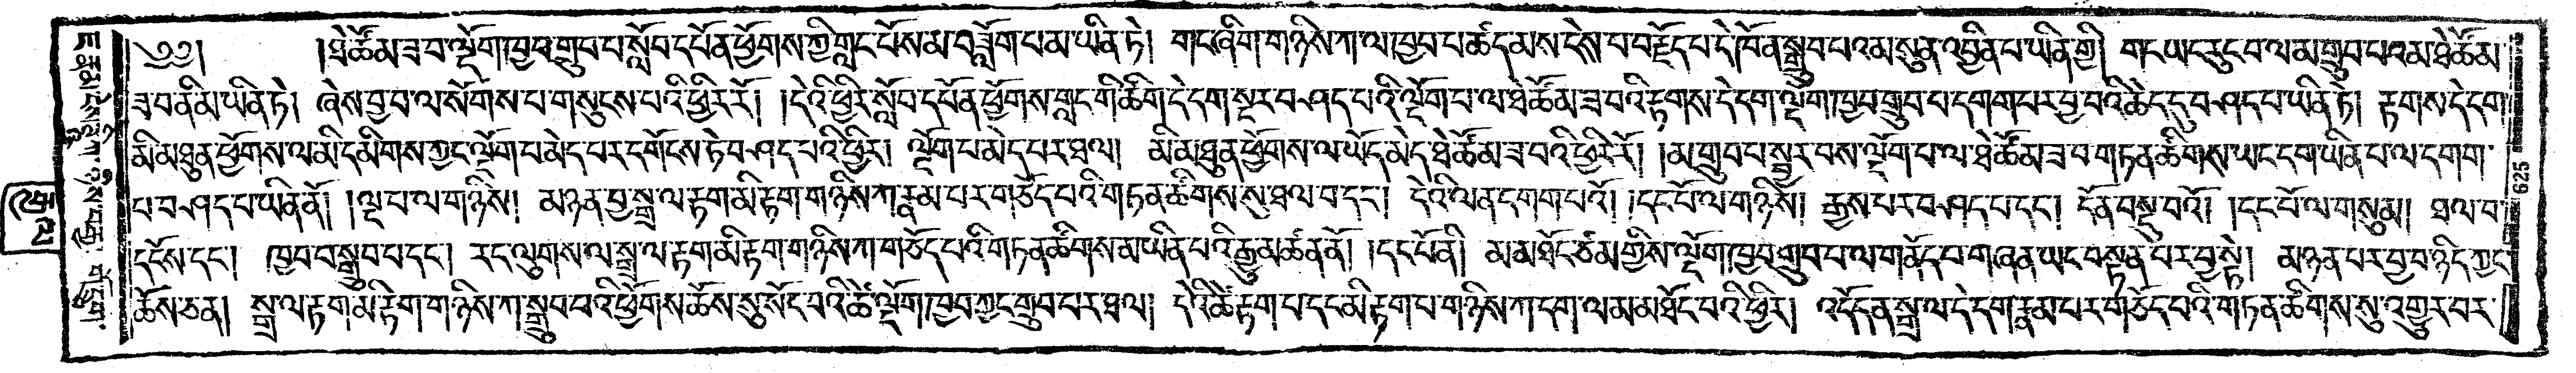༄༅། །ཐེ་ཚོམ་ཟ་བ་ལྡོག་ཁྱབ་གྲུབ་པ་སློབ་དཔོན་ཕྱོགས་ཀྱི་གླང་པོས་མ་བཟློག་པ་མ་ཡིན་ཏེ། གང་ཞིག་གཉིས་ཀ་ལ་ཁྱབ་པ་ཚད་མས་ངེས་པ་བརྗོད་པ་དེ་ཁོ་ན་སྒྲུབ་པའམ་སུན་འབྱིན་པ་ཡིན་གྱི། གང་ཡང་རུང་བ་ལ་མ་གྲུབ་པའམ་ཐེ་ཚོམ་
ཟ་བ་ནི་མ་ཡིན་ཏེ། ཞེས་བྱ་བ་ལ་སོགས་པ་གསུངས་པའི་ཕྱིར་རོ། །དེའི་ཕྱིར་སློབ་དཔོན་ཕྱོགས་གླང་གི་ཚིག་དེ་དག་སྔར་བཤད་པའི་ལྡོག་པ་ལ་ཐེ་ཚོམ་ཟ་བའི་རྟགས་དེ་དག་ལྡོག་ཁྱབ་གྲུབ་པ་དགག་པར་བྱ་བའི་ཆེད་དུ་བཤད་པ་ཡིན་ཏེ། རྟགས་དེ་དག་
མི་མཐུན་ཕྱོགས་ལ་མི་དམིགས་ཀྱང་ལྡོག་པ་མེད་པར་དགོངས་ཏེ་བཤད་པའི་ཕྱིར། ལྡོག་པ་མེད་པར་ཐལ། མི་མཐུན་ཕྱོགས་ལ་ཡོད་མེད་ཐེ་ཚོམ་ཟ་བའི་ཕྱིར་རོ། །མ་གྲུབ་པ་སྦྱར་བས་ལྡོག་པ་ལ་ཐེ་ཚོམ་ཟ་བ་གཏན་ཚིགས་ཡང་དག་ཡིན་པ་ལ་དགག་
པ་བཤད་པ་ཡིན་ནོ། །ལྔ་པ་ལ་གཉིས། མཉན་བྱ་སྒྲ་ལ་རྟག་མི་རྟག་གཉིས་ཀ་རྣམ་པར་གཅོད་པའི་གཏན་ཚིགས་སུ་ཐལ་བ་དང་། དེའི་ལན་དགག་པའོ། །དང་པོ་ལ་གཉིས། རྒྱས་པར་བཤད་པ་དང་། དོན་བསྡུ་བའོ། །དང་པོ་ལ་གསུམ། ཐལ་བ་
དངོས་དང་། ཁྱབ་པ་སྒྲུབ་པ་དང་། རང་ལུགས་ལ་སྒྲ་ལ་རྟག་མི་རྟག་གཉིས་ཀ་གཅོད་པའི་གཏན་ཚིགས་མ་ཡིན་པའི་རྒྱུ་མཚན་ནོ། །དང་པོ་ནི། མ་མཐོང་ཙམ་གྱིས་ལྡོག་ཁྱབ་གྲུབ་པ་ལ་གནོད་པ་གཞན་ཡང་བསྟན་པར་བྱ་སྟེ། མཉན་པར་བྱ་བ་ཉིད་ཀྱང་
ཆོས་ཅན། སྒྲ་ལ་རྟག་མི་རྟག་གཉིས་ཀ་སྒྲུབ་པའི་ཕྱོགས་ཆོས་སུ་སོང་བའི་ཚེ་ལྡོག་ཁྱབ་ཀྱང་གྲུབ་པར་ཐལ། དེའི་ཚེ་རྟག་པ་དང་མི་རྟག་པ་གཉིས་ཀ་དག་ལ་མ་མཐོང་བའི་ཕྱིར། འདོད་ན་སྒྲ་ལ་དེ་དག་རྣམ་པར་གཅོད་པའི་གཏན་ཚིགས་སུ་འགྱུར་བར་